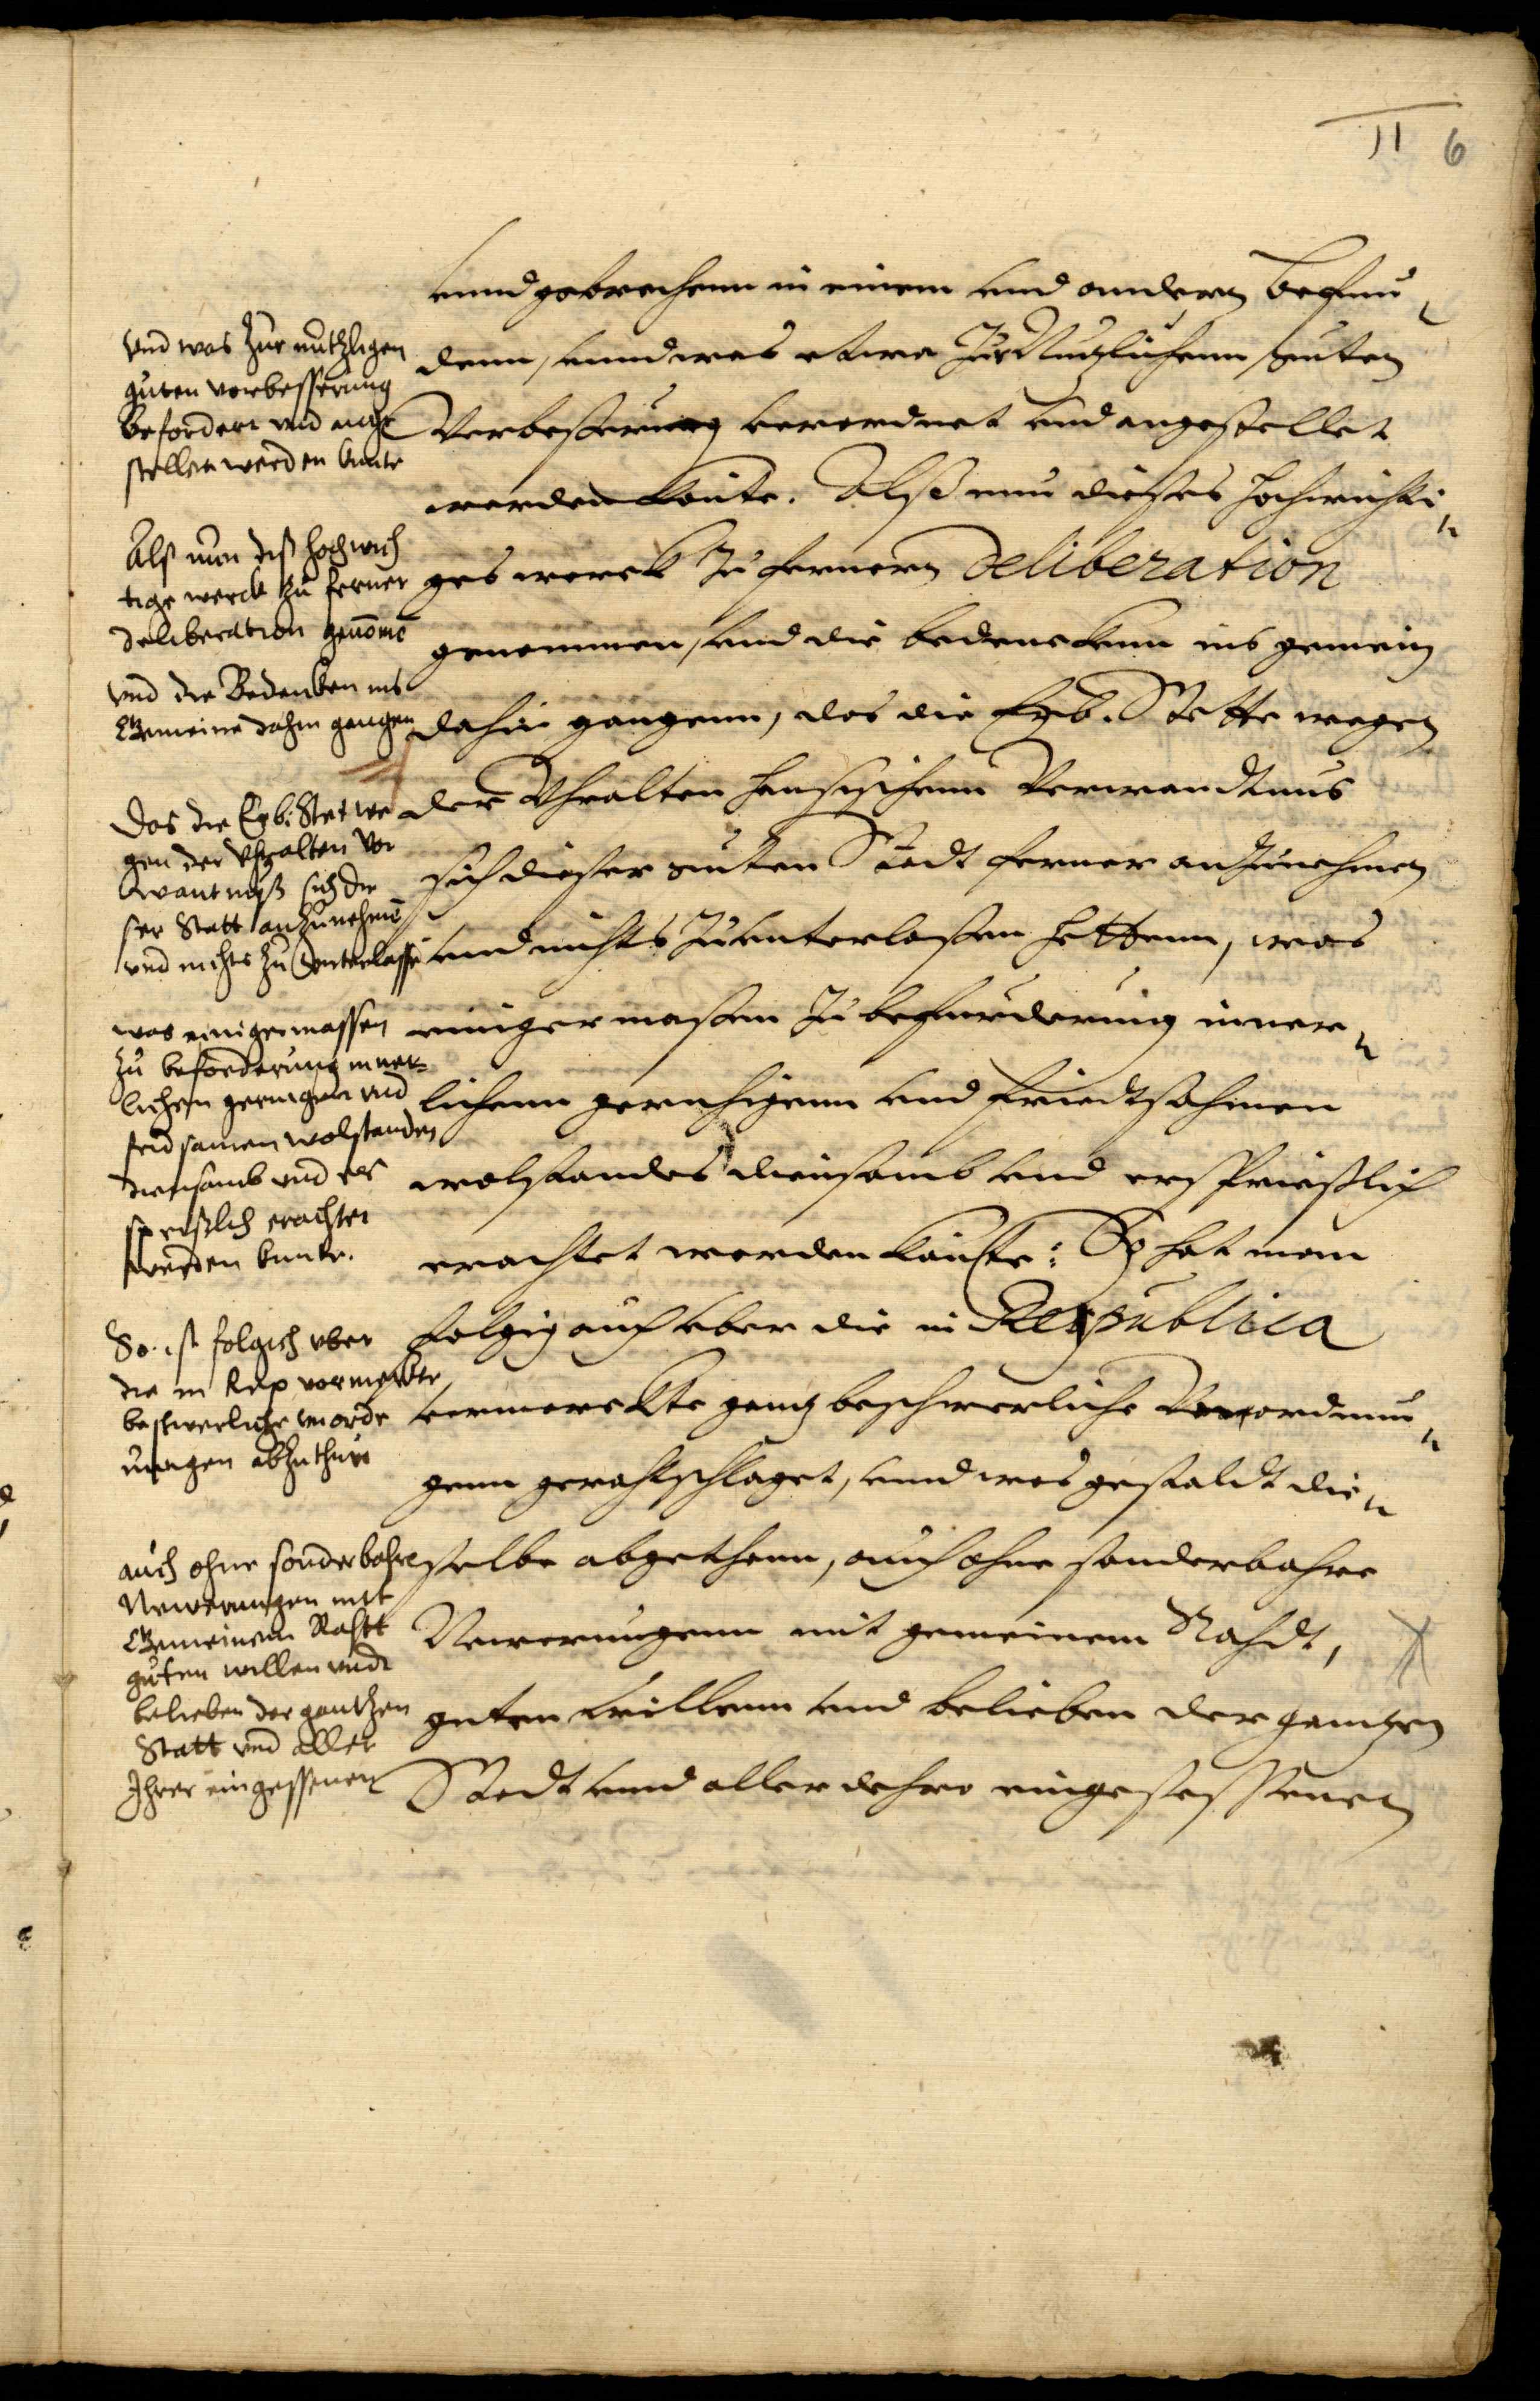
11
vnd was zue nutzligen
guten vorbesserung
befordert vnd ange
stellet werden konte
Als nun diß hochmuh
tige werck zu ferner
deliberation genommen
vnd die Bedenken ins
Gemeine dahin gangen
das die Erb: Stet we
gen der Vhralten vor
wantnuß sich die
ser Statt anzunehmē
vnd nichts zu vnterlassē
was eingermassen
zu beforderung merk
lichen geringen vnd
fridsamen wolstanden
diensamb vnd er
sprißlich erachten
werden kunte
So ist folgich vber
die in Rep vormerket
beschwerliche vnorde
nungen abzuthun
auch ohne sonderbahre
Newerungen mit
Gemeinem Rahtt
guten willen vndt
belieben der gantzen
Statt vnd allen
Ihren eingessenen
vnnd gebrechenn in einem vnd andern befun¬
denn, vnnd was etwa zur Nutzlichenn guten
Verbeßerung verordnet vnd angestellet
werden könte. Alß nun dieses hochrichti¬
ges werck zu fernern deliberation
genommen, vnd die bedenckenn ins gemein
dafur gangenn, das die Erb. Stette wegen
der Vhralten hansischenn Verwandtnus
sich dieser guten Stadt ferner anzunehmen
vnd nichts zu vnterlaßen hettenn, was
einiger maßen zu befurderung inner¬
lichenn geruhigenn vnd friedtsahmen
wolstandes diensamb vnd ersprießlich
erachtet werden könte: So hat man
folgig auch vber die in Respublica
vermerckte gantz beschwerliche Verordnun¬
genn gerahtschlaget, vnd was gestaldt die¬
selbe abgethann, auch ohne sonderbahre
Newerungenn mit gemeinem Rahdt,
guten Willenn vnd belieben der gantzen
Stadt vnnd aller dehro eingesessenen
